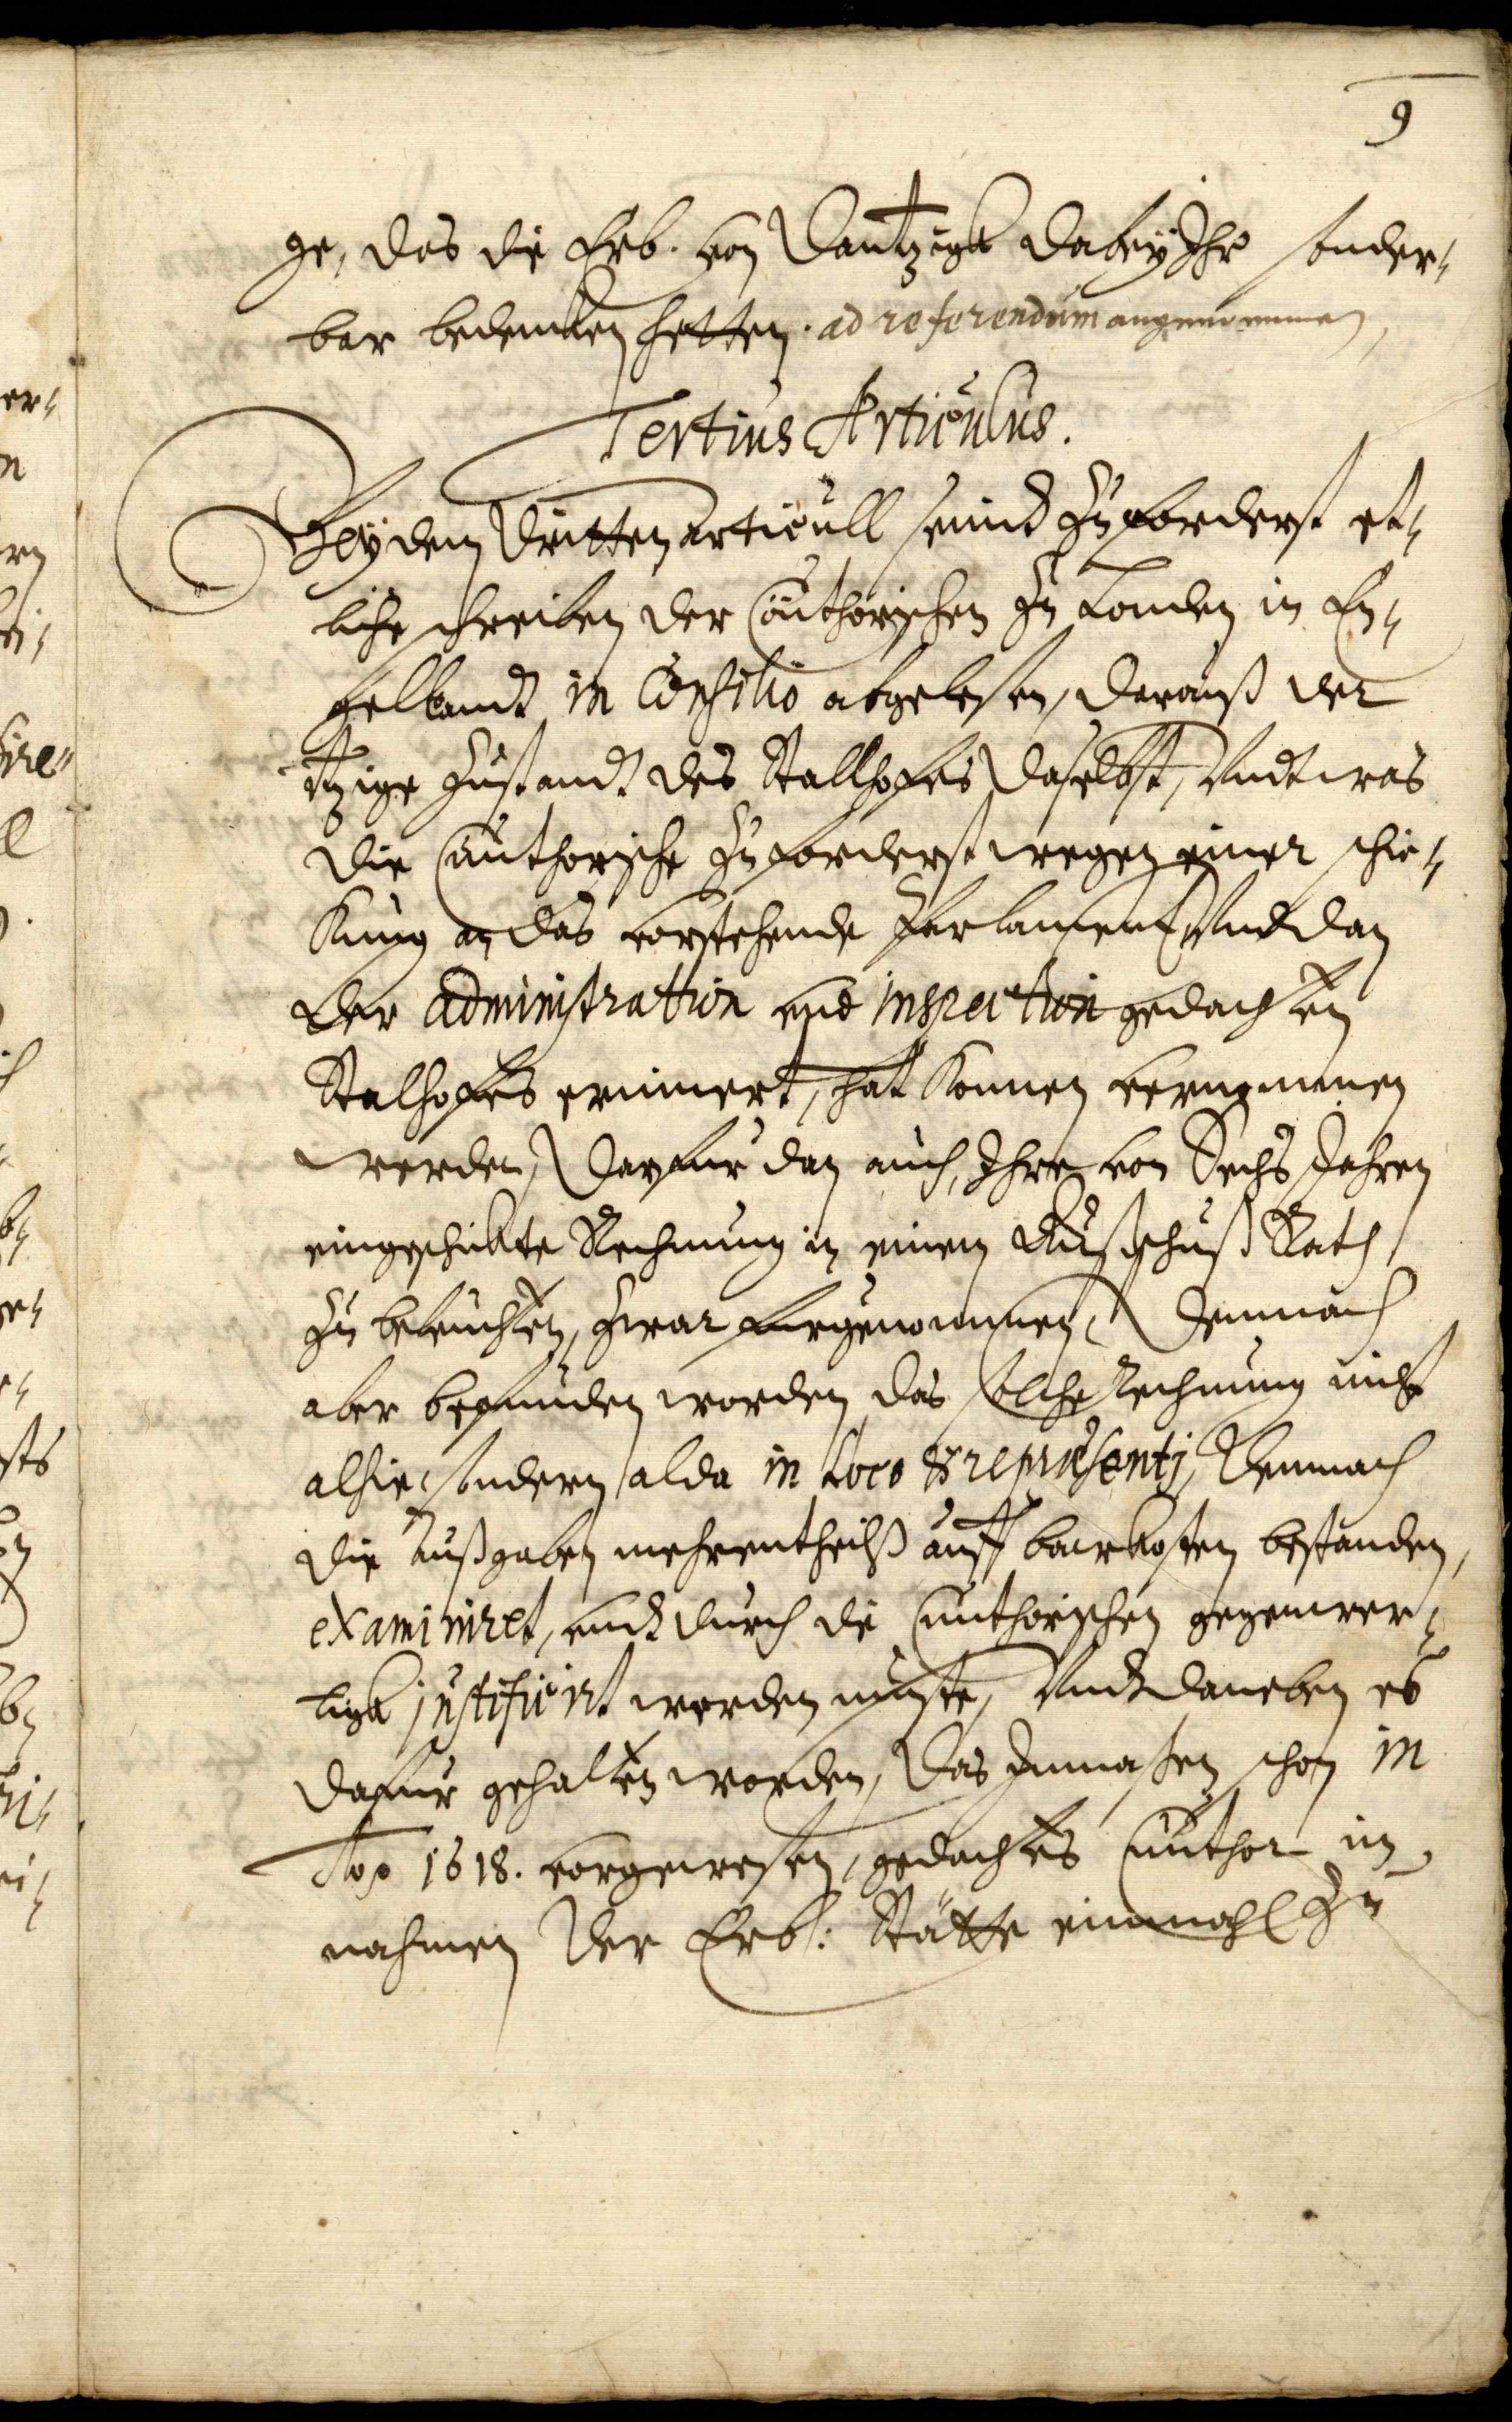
9
ge, das die Erb. von Dantzigk dabey Ihr sonder¬
bar bedencken hetten. ad referendum angenommen,
Tertius Articulus.
Beij dem dritten articull seindt zuforderst et¬
liche schreiben der Cunthorischen Zu London in En¬
gellandt in Consilio abgelesen, darauß der
itzige Zustandt des Stallhofes daselbst, Vndt was
die Cunthorische Zu forderst wegen einer schi¬
kung an das vorstehende Parlament Vnd dan
der administration vnd inspection gedachten
Stalhofes erinnert, hat konnen vernommen
werden, darfur dan auch, Ihre vor Sechs Jahren
eingeschickte Rechnung in einen Außschuß Rath
Zu beleuchten, Zwar furgenommen, demnach
aber befunden worden das solche Rechnung nicht
alhie sondern alda in Loco & repræsentj, demnach
die außgaben mehrentheilß auff bawkosten bestanden,
examiniret, vndt durch die Cunthorischen gegenwer¬
tigk instificirt werden muste, Vnd daneben es
dafur gehalten worden, das Inmaßen schon in
Aō p i618 vorgewesen, gedachtes Cunthor im
nahmen der Erb: Stätte einmahl Zu
